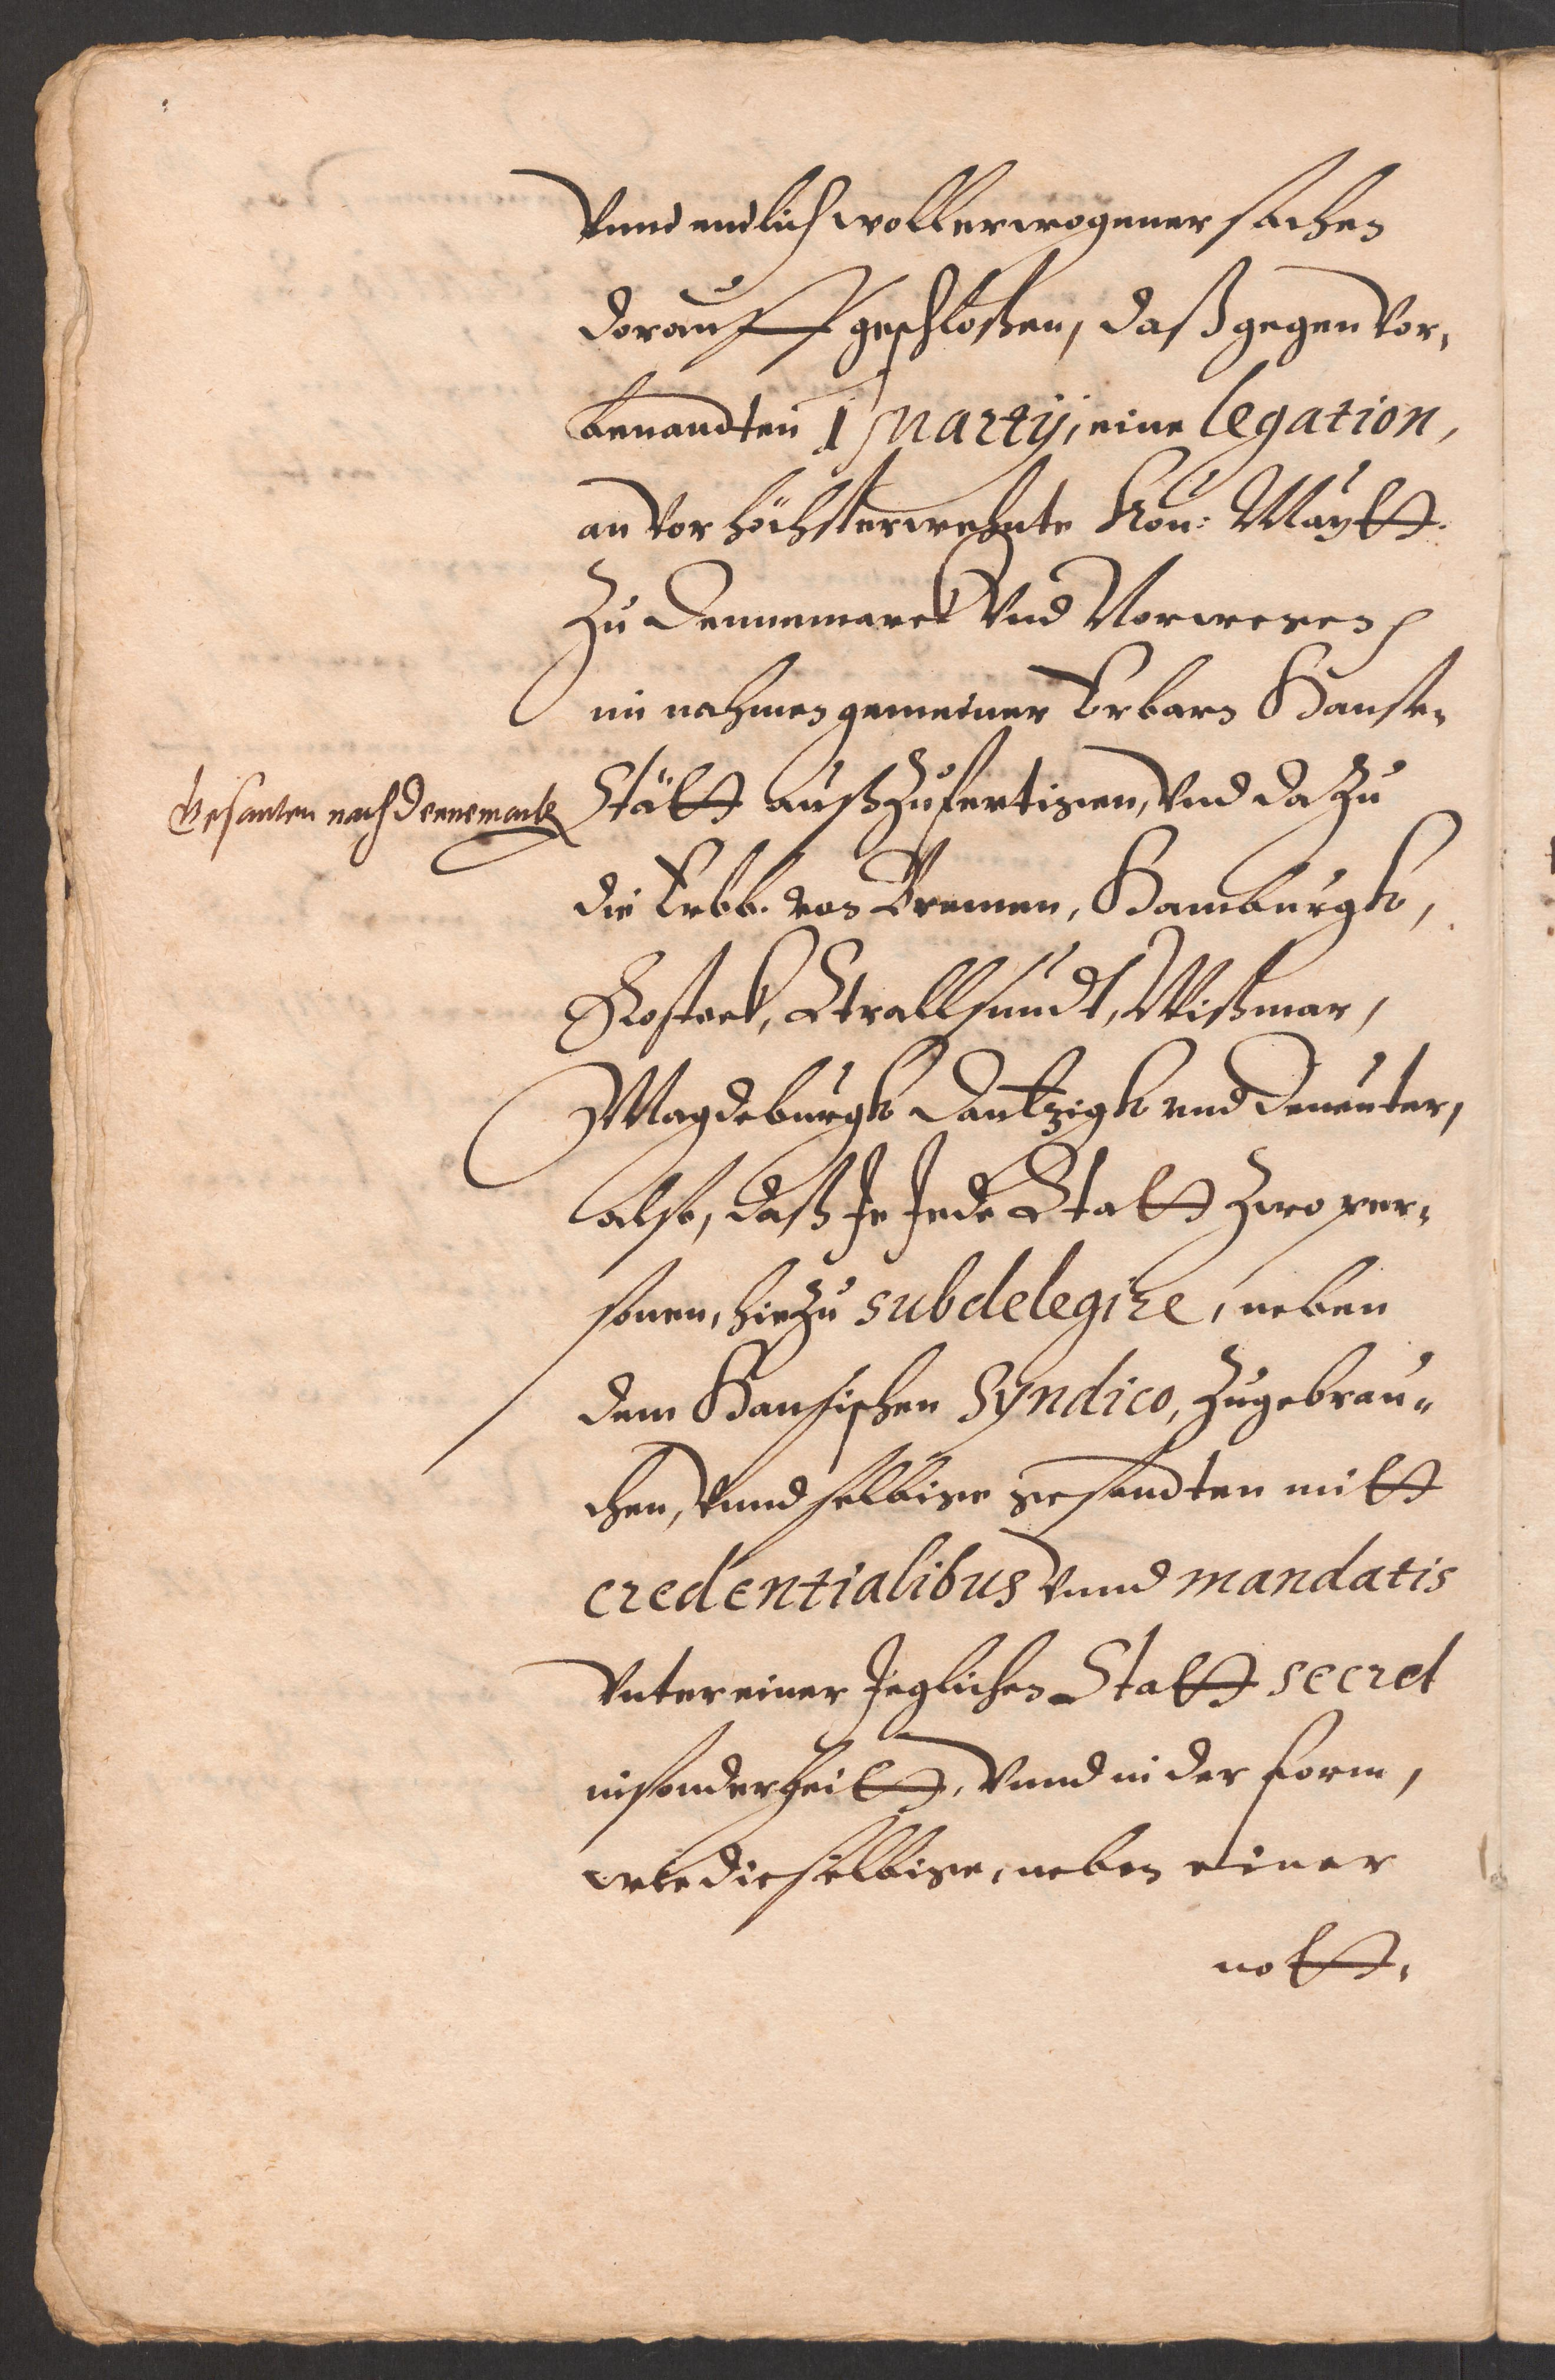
vnnd endlich wollerwogener sachen
darauff geschloßen, daß gegen vor¬
benandten 1 Martij, eine legation,
an vor höchsterwehnte Kon: Maytt.
zu Dennemark vnd Norwegen p
im nahmen gemeinen Erbarn Hanse¬
Stätt außzufertigen, vnd dazu
die Erbb. von Bremen, Hamburgk,
Rostock, Strallsundt, Wißmar,
Magdeburgk Dantzigk vnd Deuenter,
also, daß Je Jede Statt zwo per¬
sonen, hirzu subdelegire, neben
dem Hansischen Syndico, zugebrau¬
chen, vnnd selbige gesandten mitt
credentialibus vnnd mandatis
vnter einer Jeglichen Statt secret
insonderheitt, vnnd in der form,
wer dieselbige, neben einer
nott¬
Gesanten nach Dennemark
